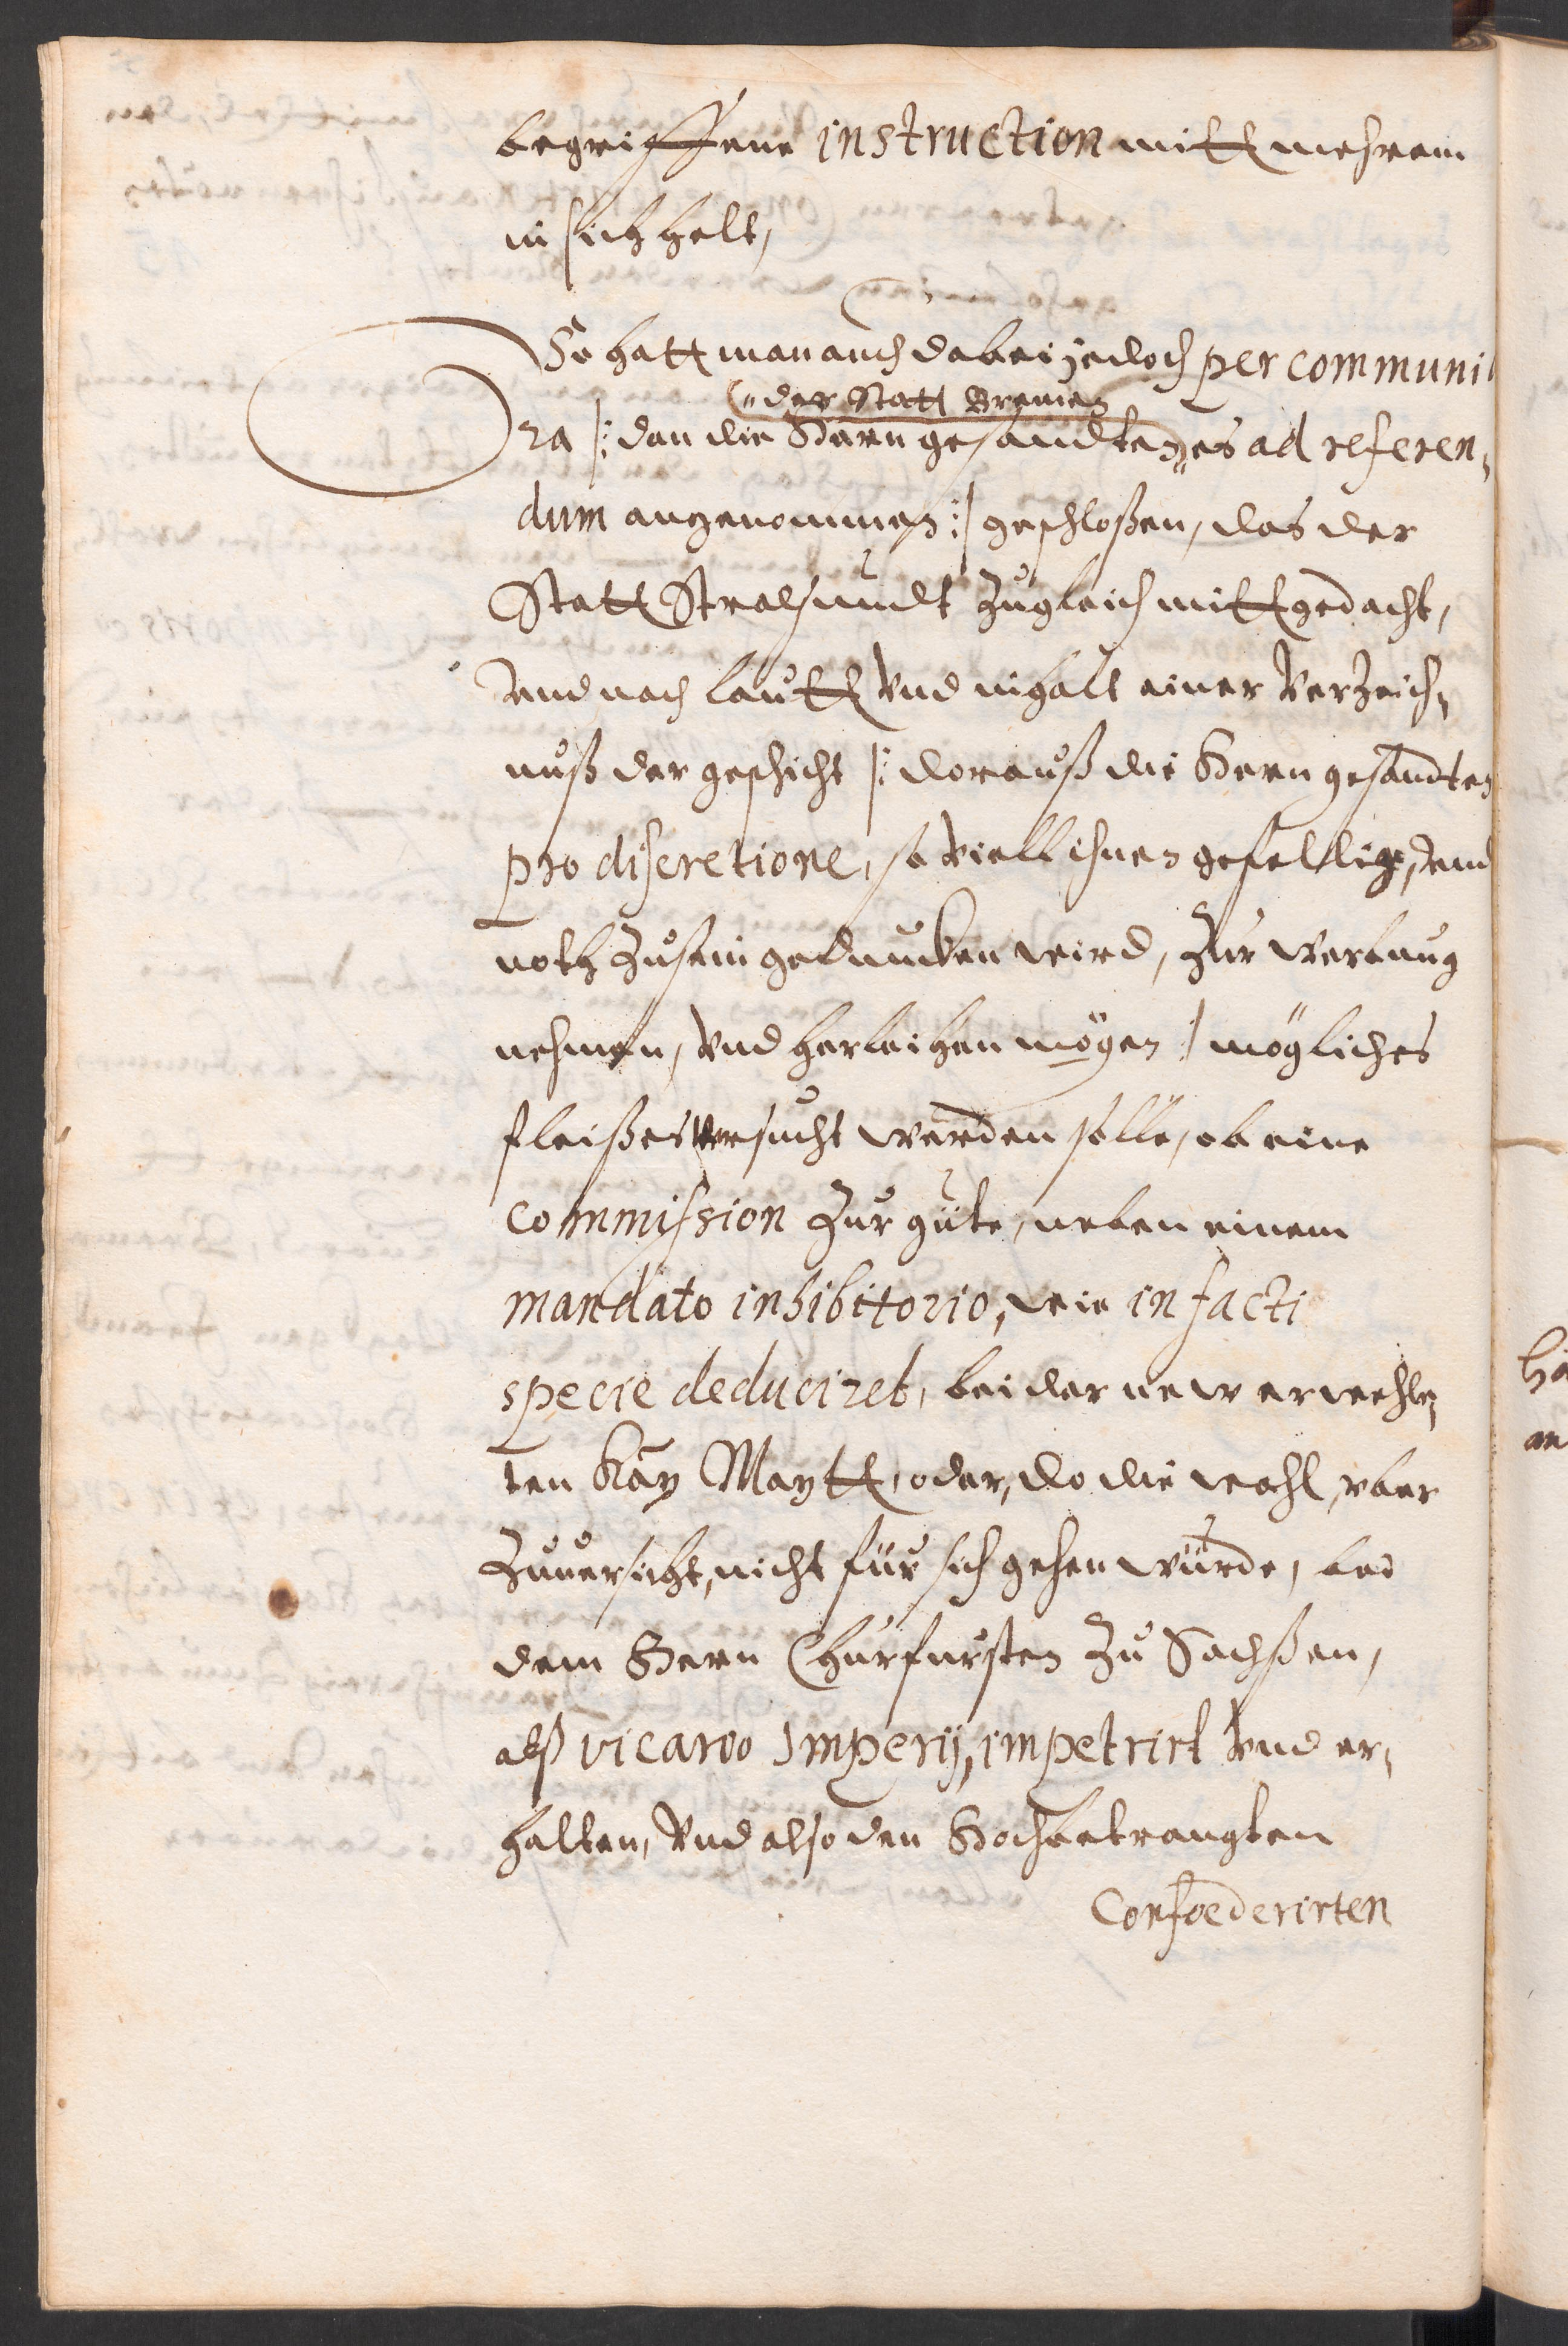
begriffene instruction mitt mehrein
in sich halt,
So hatt man auch dabei jedoch per communio
"der Statt Bremen
ra |: dan die Hern gesandten " es ad referen¬
dum angenommen :| geschloßen, das der
Statt Stralsundt zugleich mitt gedacht,
vnd nach lautt vnd inhalt einer verzeich¬
nuß der geschicht /: dorauß die Hern gesandten
pro discretione, so viell ihnen gefellig, vnd
noth zusein geduncken wird, zur werbung
nehmen, vnd herleihen mögen :/ mögliches
fleißes versucht werden solle, ob eine
commission zur güte, neben einem
mandato inhibitorio, wie in facti
specie deduciret, bei der new erwehle¬
ten kay Maytt, oder, do die wahl vber
Zuuersicht, nicht für sich gehen würde, bei
dem Hern Churfursten Zu Sachßen,
alß vicario imperij, impetrit vnd er¬
halten, vnd also den Hochbetrangten
confoederirten
